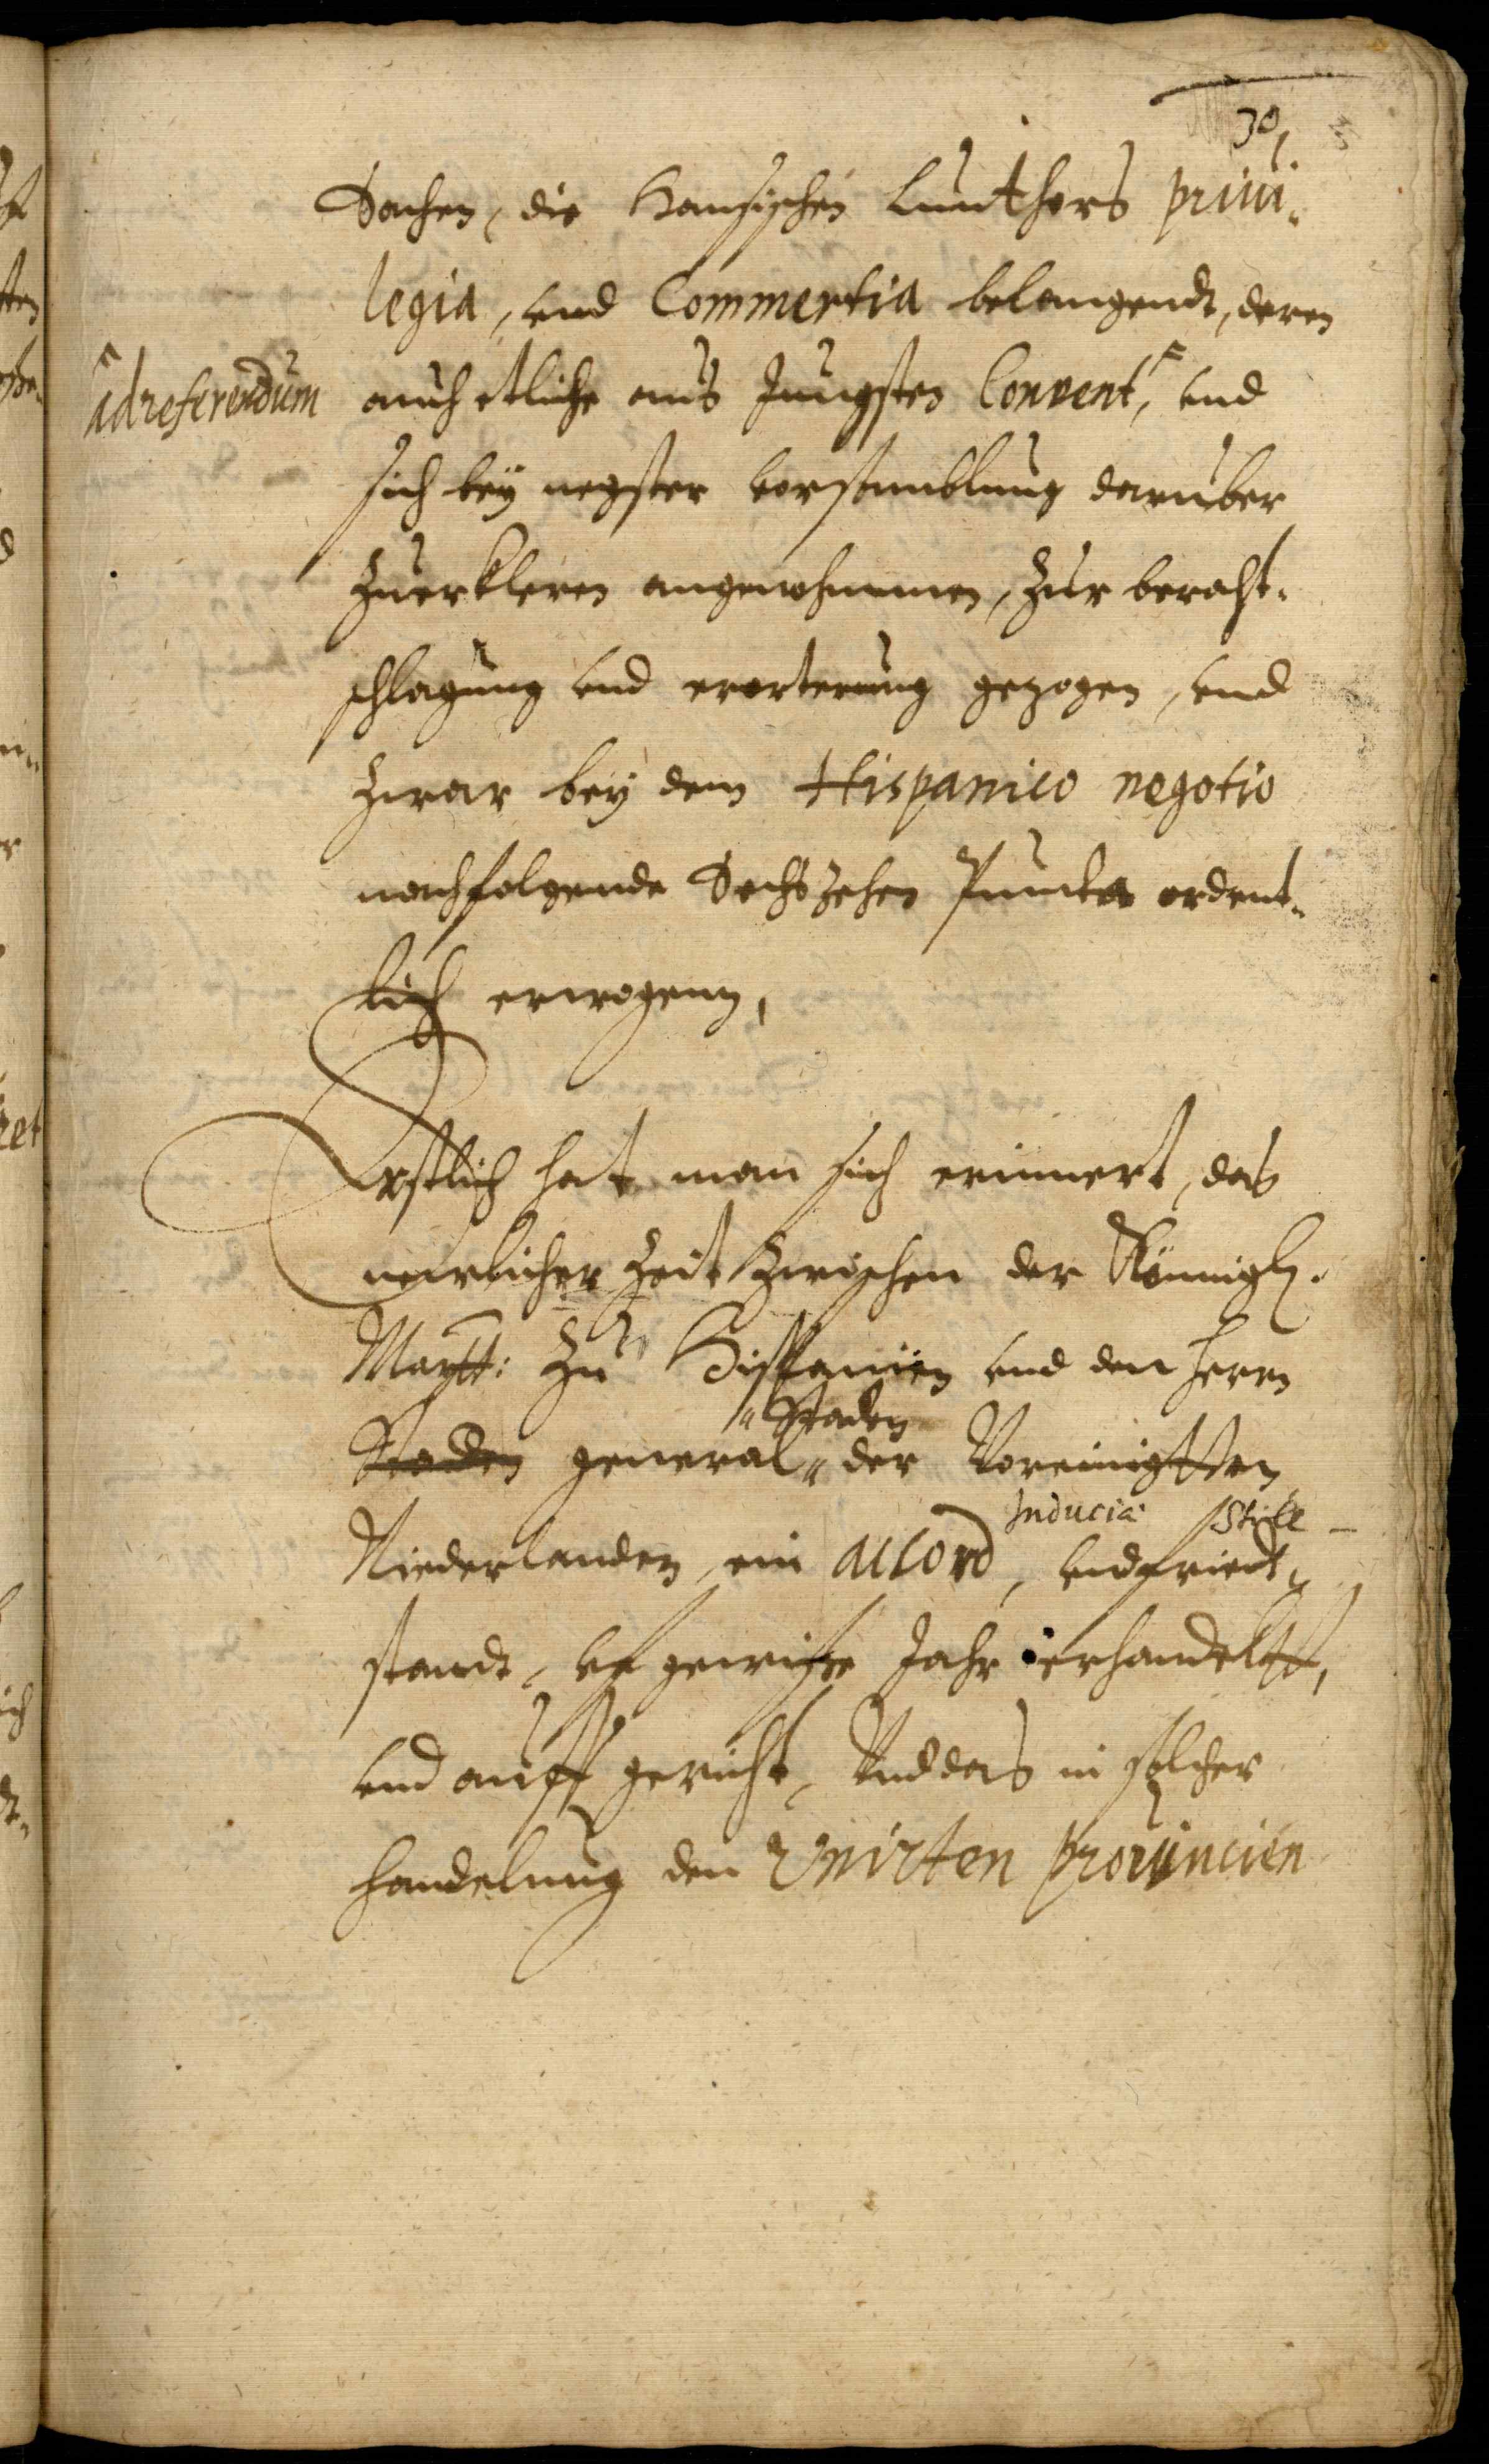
30
F
ad referendum
Sachen, die Hansischen Cunthors priui¬
legia, vnd Commertia belangendt, deren
auch etliche aus Jungsten Convent F, vnd
sich beij negster versamblung daruber
zuerkleren angenohmmen, zur beraht¬
schlagung vnd erorterung gezogen, vnd
zwar beij dem Hispanico negotio
nachfolgende Sechs zehn Puncten ordent¬
lich erwogen,
Erstlich hat man sich erinnert, das
newlicher zeit zwischen der Königl.
Maytt: zu Hispanien vnd den herrn
Staden general Staden der Voreinigtten
Inducia Still
Niederlanden, ein accord, vnd friedt¬
standt, vf gewiße Jahr erhandeltt,
vnd auff gericht, Vnd das in solcher
handlung den Unirten prouincien
